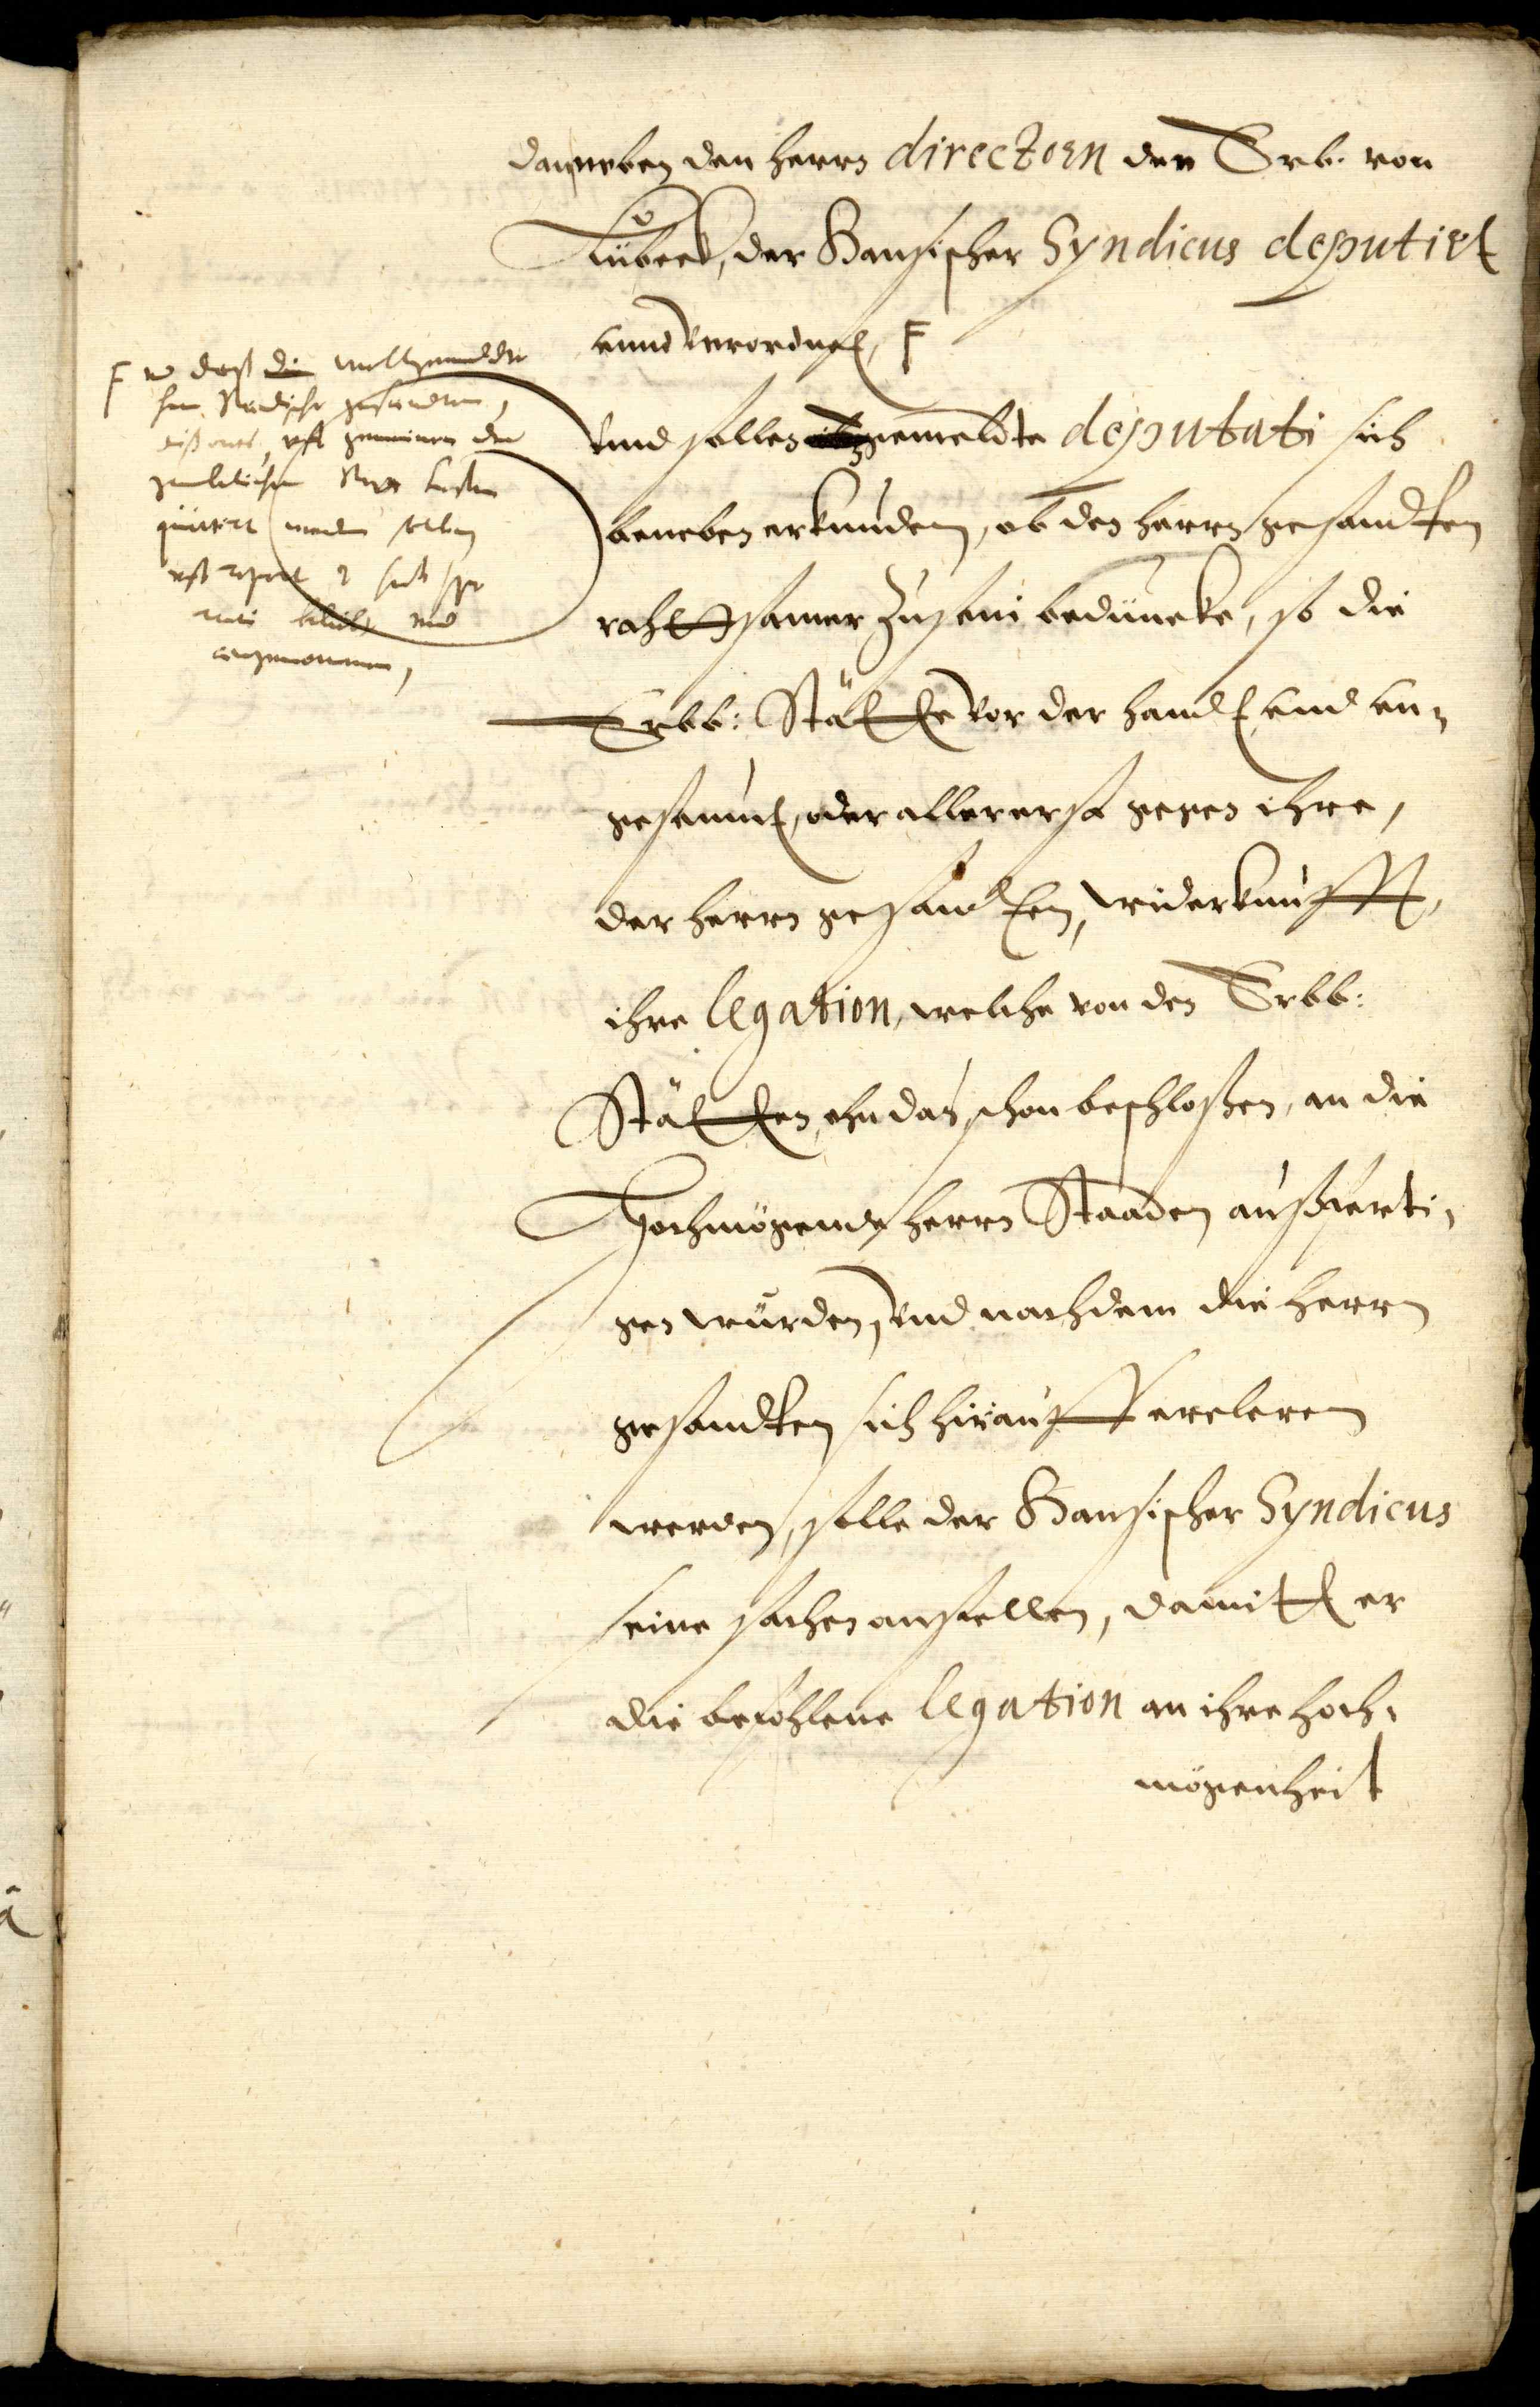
* vnd daß die wollgemeldte
hern Stadische gesandten,
diß was, erst gemeinen der
zehntichen Stett Costen
quittirt werden sollen
erst restet & fest $$$
nein beliebt und
angenommen,
dan|neben den herrn directorn den Erb. von
Lübeck, der Hansischer Syndicus deputirt
vnnd verordnet, *
Vnnd sollen itzgemeldte deputati sich
beneben erkunden, ob den herrn gesandten
rahttsamer Zu sein bedüncke, so die
Erbb: Stätte vor der handt, vnd vn¬
geseumt, oder allererst gegen ihre,
der herrn gesandten, widerkunfft,
ihre legation, welche von den Erbb:
Stätten, ohn das schon beschloßen, an die
Hochmögende herrn Staaden außferti¬
gen würden, Vnd nachdem die herrn
gesandten sich hirauff ercleren
werden, solle der Hansicher Syndicus
seine sachen anstellen, damitt er
die befohlene legation an ihre hoch¬
mögenheit
